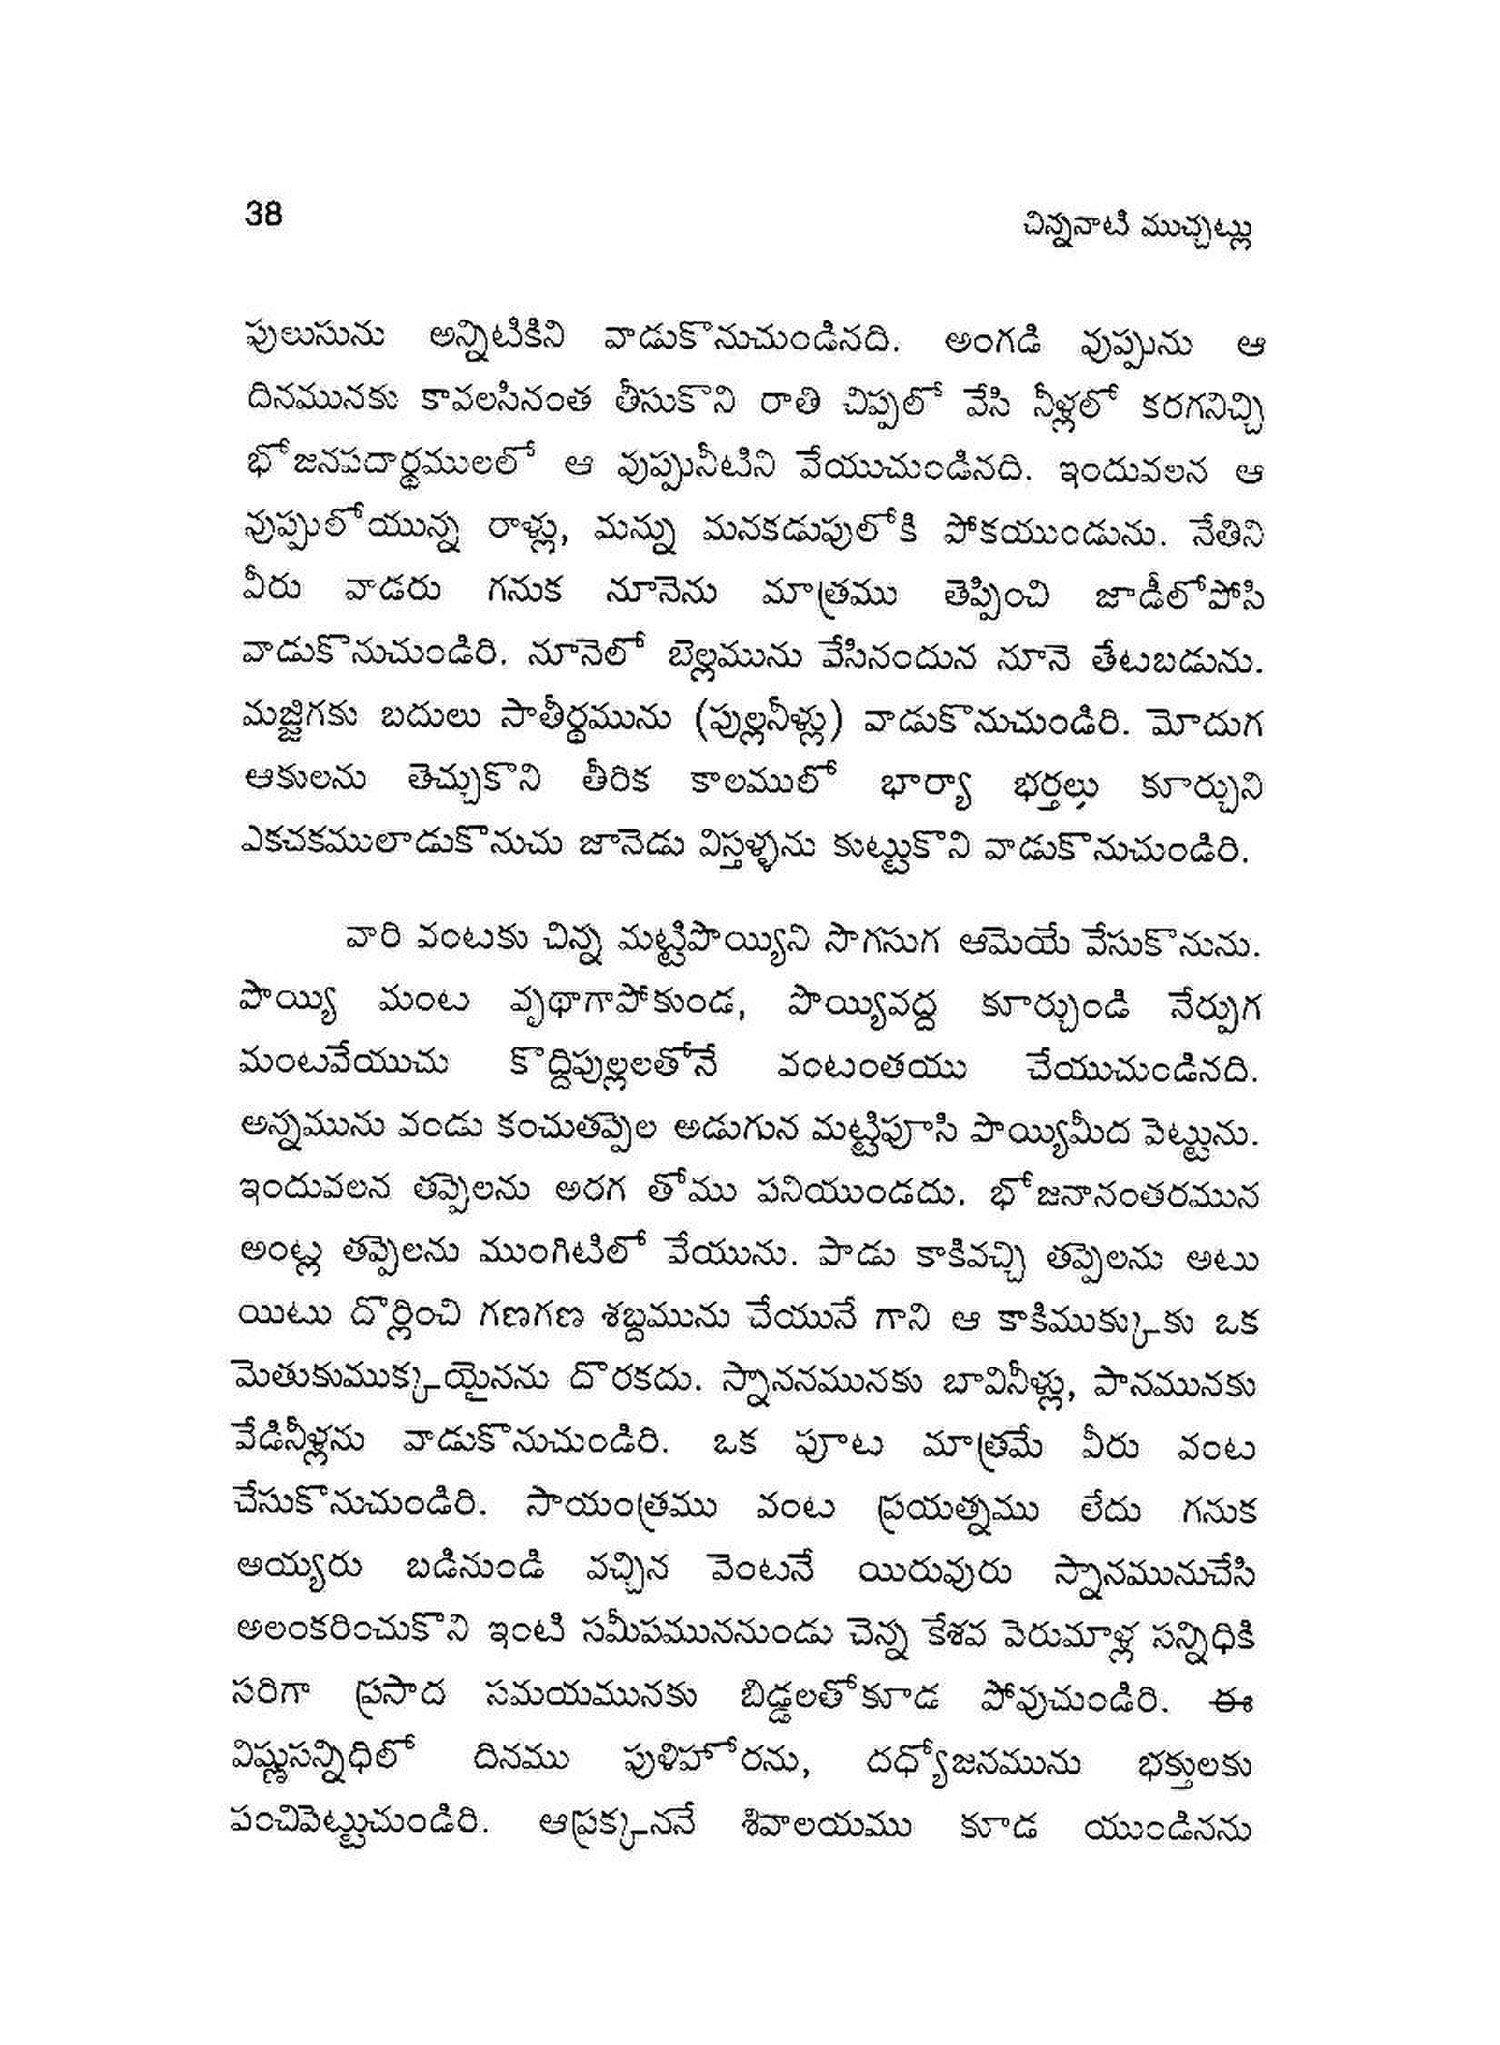పులుసును అన్నిటికిని వాడుకొనుచుండినది. అంగడి వుప్పును ఆ దినమునకు కావలసినంత తీసుకొని రాతి చిప్పలో వేసి నీళ్లలో కరగనిచ్చి భోజనపదార్ధములలో ఆ వుప్పునీటిని వేయుచుండినది. ఇందువలన ఆ వుప్పులోయున్న రాళ్లు, మన్ను మనకడుపులోకి పోకయుండును. నేతిని వీరు వాడరు గనుక నూనెను మాత్రము తెప్పించి జాడీలోపోసి వాడుకొనుచుండిరి. నూనెలో బెల్లమును వేసినందున నూనె తేటబడును. మజ్జిగకు బదులు సాతీర్ధమును (పుల్లనీళ్లు) వాడుకొనుచుండిరి. మోదుగ ఆకులను తెచ్చుకొని తీరిక కాలములో భార్యా భర్తల్లు కూర్చుని ఎకచకములాడుకొనుచు జానెడు విస్తళ్ళను కుట్టుకొని వాడుకొనుచుండిరి.

వారి వంటకు చిన్న మట్టిపొయ్యిని సొగసుగ ఆమెయే వేసుకొనును. పొయ్యి మంట వృథాగాపోకుండ, పొయ్యివద్ద కూర్చుండి నేర్పుగ మంటవేయుచు కొద్దిపుల్లలతోనే వంటంతయు చేయుచుండినది. అన్నమును వండు కంచుతప్పెల అడుగున మట్టిపూసి పొయ్యిమీద పెట్టను. ఇందువలన తప్పెలను అరగ తోము పనియుండదు. భోజనానంతరమున అంట్ల తప్పెలను ముంగిటిలో వేయును. పాడు కాకివచ్చి తప్పెలను అటు యిటు దొర్లించి గణగణ శబ్దమును చేయునే గాని ఆ కాకిముక్కుకు ఒక మెతుకుముక్కయైనను దొరకదు. స్నానమునకు బావినీళ్లు, పానమునకు వేడినీళ్లను వాడుకొనుచుండిరి. ఒక పూట మాత్రమే వీరు వంట చేసుకొనుచుండిరి. సాయంత్రము వంట ప్రయత్నము లేదు గనుక అయ్యరు బడినుండి వచ్చిన వెంటనే యిరువురు స్నానమునుచేసి అలంకరించుకొని ఇంటి సమీపముననుండు చెన్నకేశవ పెరుమాళ్ల సన్నిధికి సరిగా ప్రసాద సమయమునకు బిడ్డలతో కూడ పోవుచుండిరి. ఈ విష్ణుసన్నిధిలో దినము పుళిహోరను, దధ్యోజనమును భక్తులకు పంచిపెట్టుచుండిరి. ఆప్రక్కననే శివాలయము కూడ యుండినను